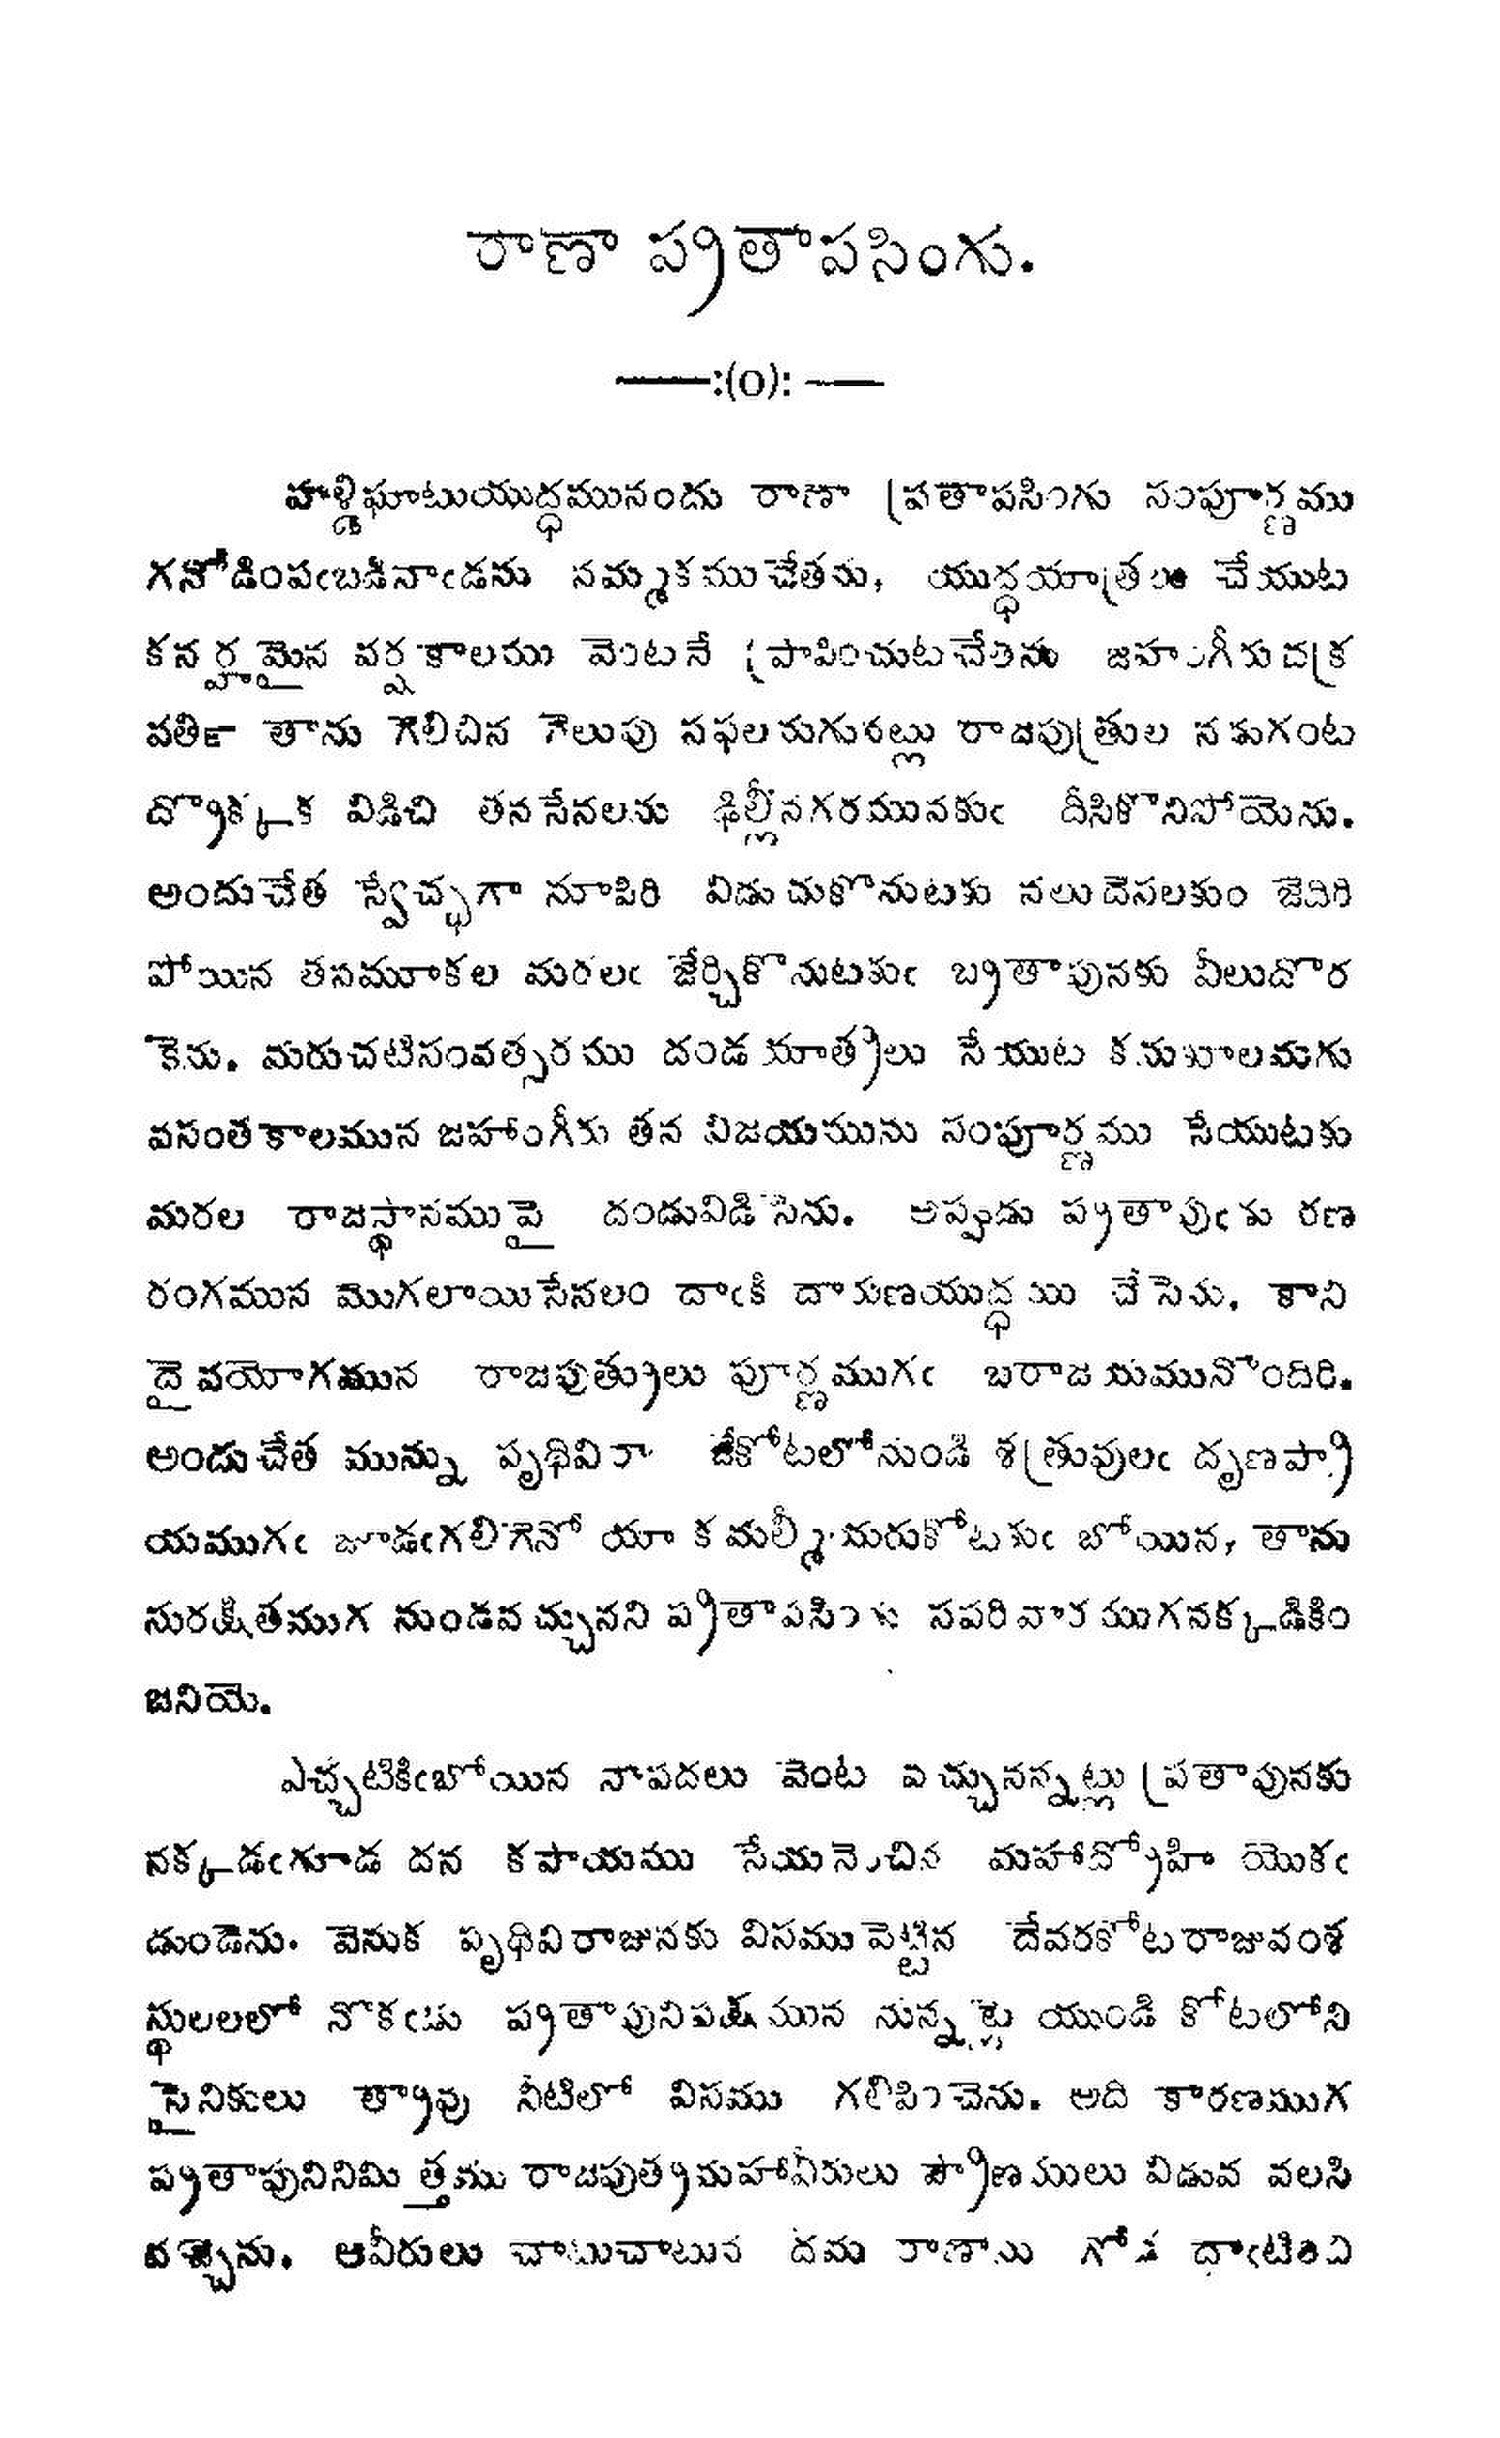హళ్డిఘాటు యుద్ధమునందు రాణా ప్రతాపసింగు సంపూర్ణముగ నోడింపఁబడినాఁడను నమ్మకము చేతను, యుద్ధ యాత్రలు చేయుట
కనర్హమైన వర్షకాలము వెంటనే ప్రాపించుట చేతను జహంగీరు చక్రవతి౯ తాను గెలిచిన గెలుపు సఫల మగునట్లు రాజపుత్రుల నడుగంట
దొక్కక విడిచి తన సేనలను ఢిల్లీ నగరమునకుఁ దీసికొనిపోయెను. అందుచేత 'స్వేచ్ఛగా నూపిరి విడుచుకొనుటకు నలుదెసలకుం జెదిరి
పోయిన తసమూకల మరలఁ జేర్చికొనుటకుఁ బ్రతాపునకు వీలుదొరకెను. మరుచటిసంవత్సరము దండ యాత్రలు సేయుట కనుకూలమగు
వసంత కాలమున జహాంగీరు తన విజయమును సంపూర్ణము సేయుటకు మరల రాజస్థానము పై దండువిడిసెను. అప్పుడు ప్రతాపుఁడు రణ
రంగమున మొగలాయి సేనలం దాఁకి దారుణ యుద్ధము చేసెను, కాని దైవయోగమున రాజపుత్రులు పూర్ణముగఁ బరాజయమునొందిరి.
అందుచేత మున్ను పృథివిరాజే కోటలోనుండి శత్రువులఁ దృణప్రాయముగఁ జూడఁగలిగెనో యా కమల్మీయరుకోటకుఁ బోయిన, తాను
సురక్షితముగ నుండవచ్చునని ప్రతాపసింగు సపరివారముగ నక్కడికిం జనియె.

ఎచ్చటికిఁబోయిన నాపదలు వెంట వచ్చునన్నట్లు ప్రతాపునకు నక్కడఁగూడ దన కపాయము సేయ నెంచిన మహాద్రోహి యొకఁ డుండెను. వెనుక పృథివి రాజునకు విసము పెట్టిన 'దేవరకోట రాజువంశస్థులలో నొకఁడు ప్రతాపుని పక్షమున నున్నట్లే యుండి కోటలోని సైనికులు త్రావు నీటిలో విసము గలిపించెను. అది కారణముగ ప్రతాపునినిమి త్తము రాజపుత్ర మహావీరులు ప్రాణములు విడువ వలసి వచ్చెను. ఆవీరులు చాటుచాటున దమ రాణాను గోడ దాఁటించి